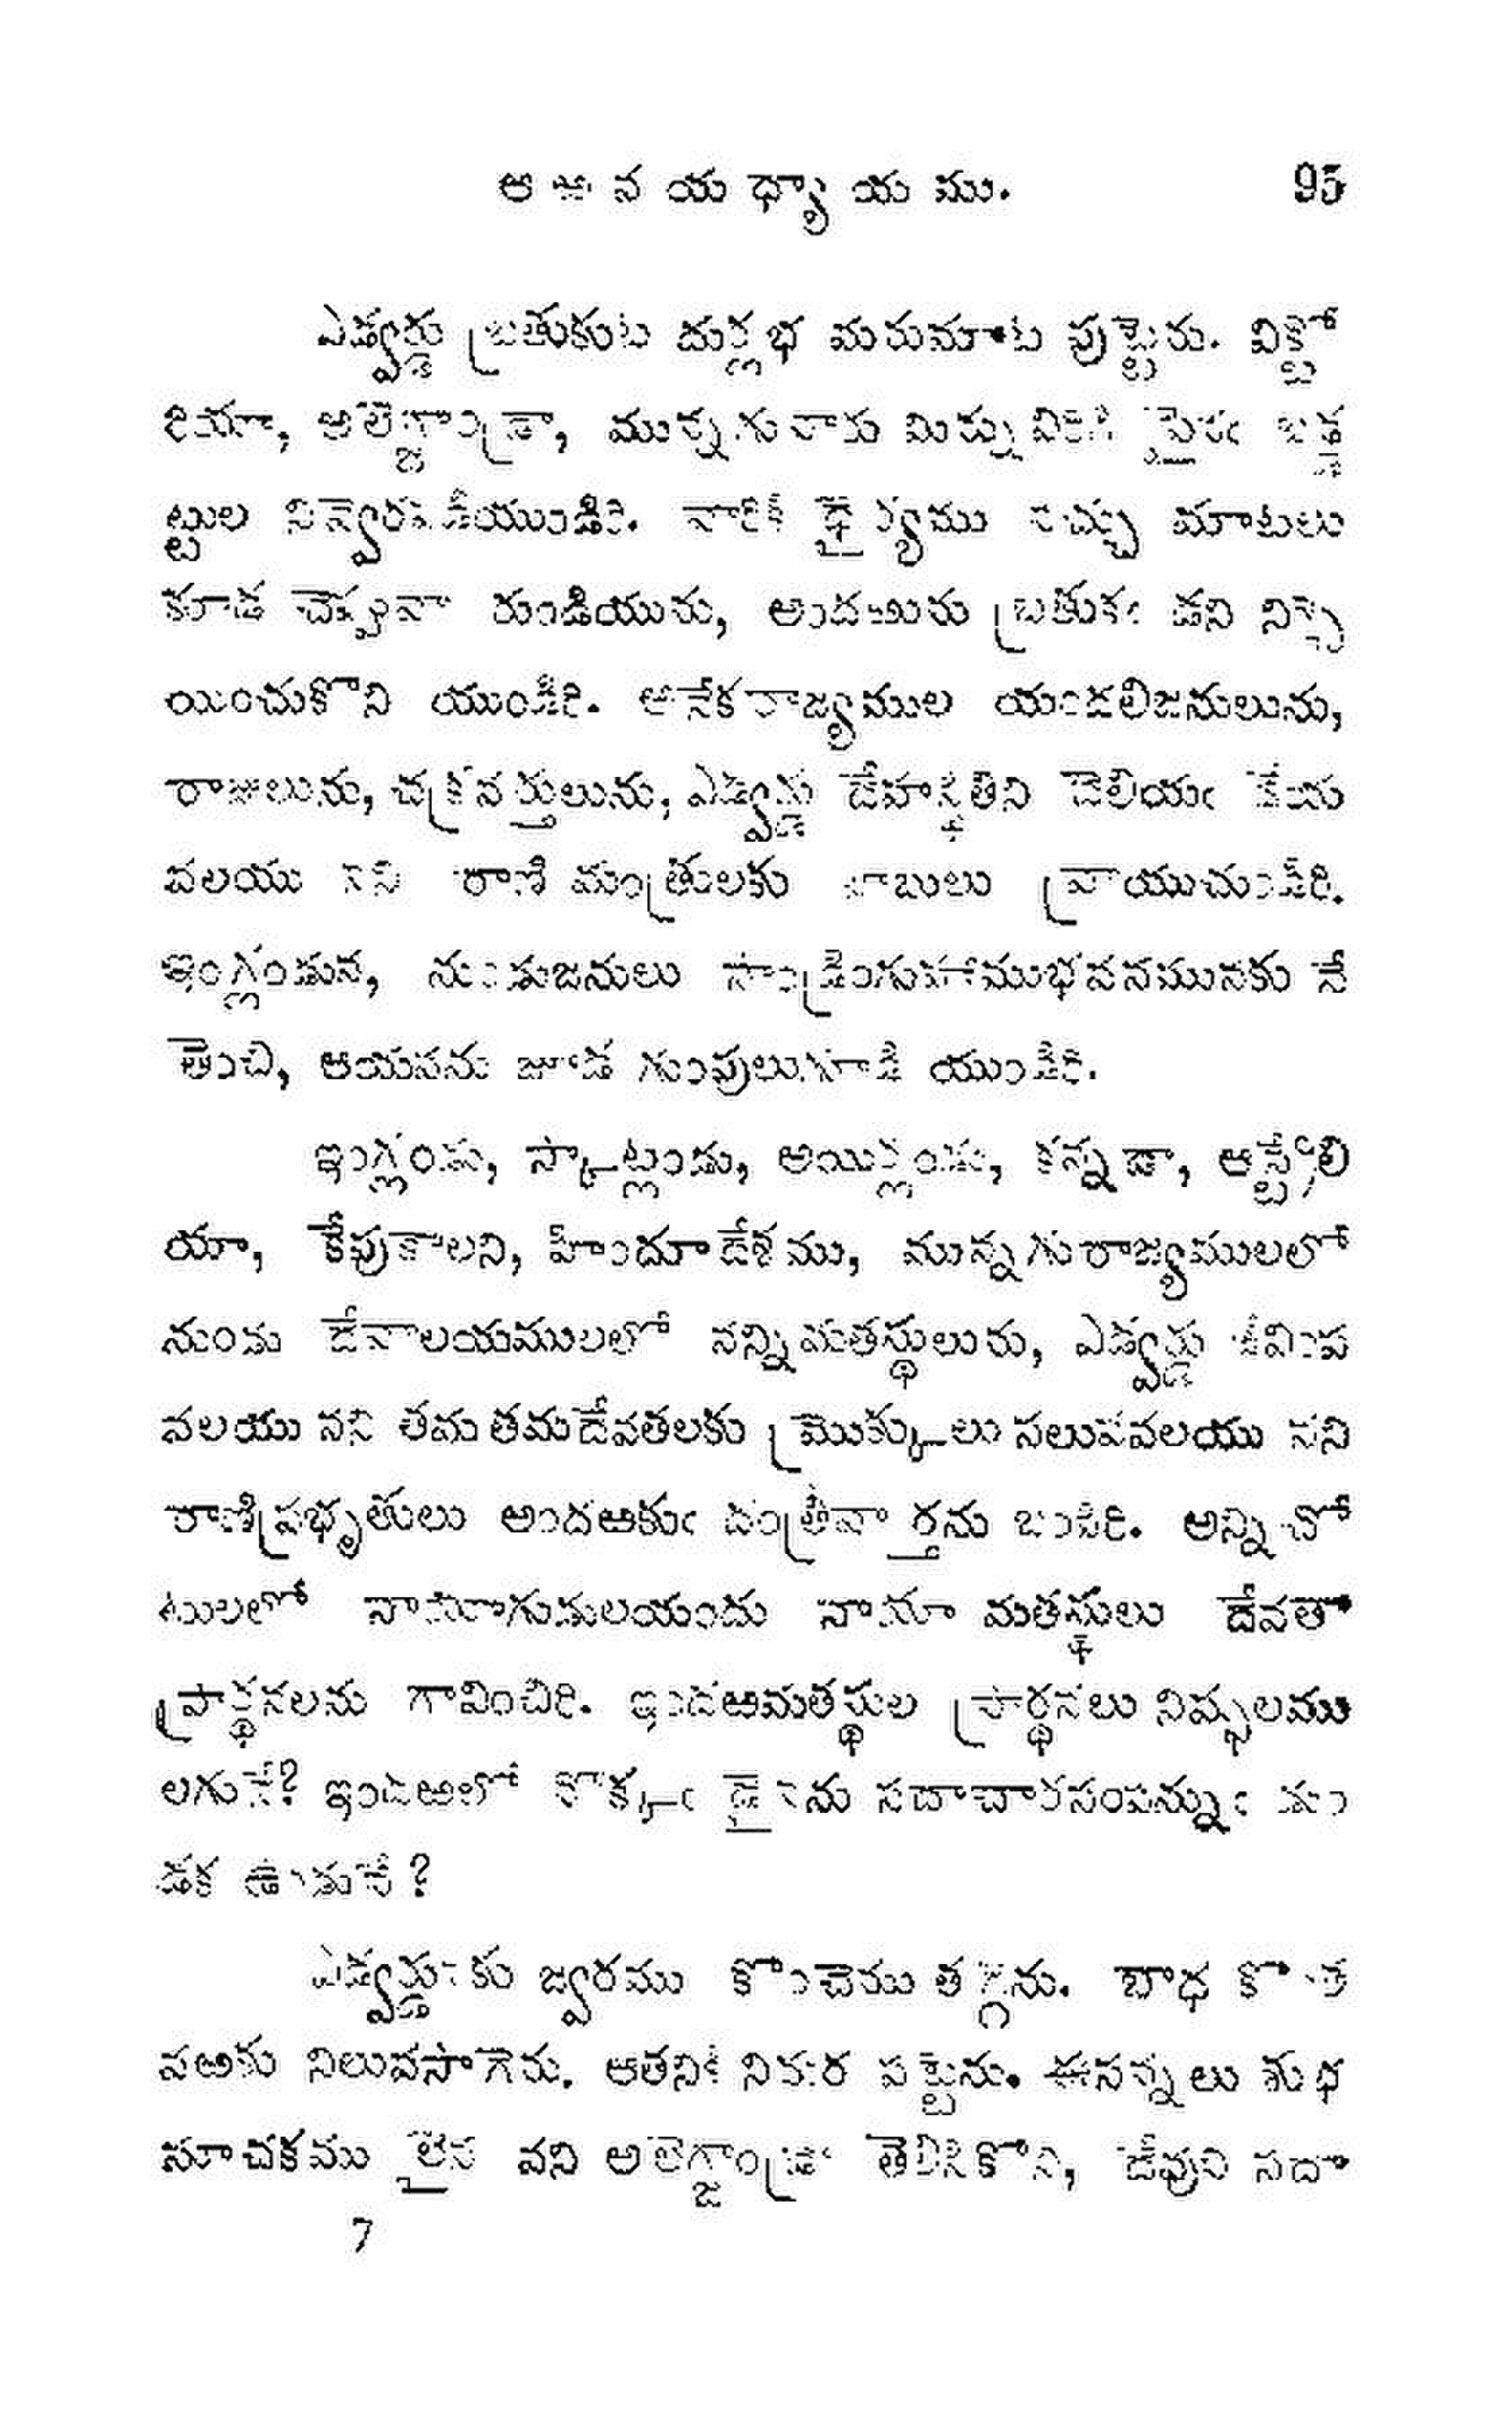ఎడ్వర్డు బ్రతుకుట దుర్లభ మనుమాట పుట్టెను. విక్టోరియా, ఆలెగ్జాండ్రా, మున్నగువారు మిన్ను విరిగి పైపైన బడ్డట్టుల నివ్వెర పడియుండిరి. వారికి దైర్యము వచ్చు మాటలుకూడ చెప్పనా రుండియును, అందఱును బ్రతుకడని నిశ్చియించుకొని యుండిరి. అ నేక రాజ్యముల యందలి జనులును, రాజులును, చక్ర వర్తులును, ఎడ్వర్డు దేహస్థితిని దెలియలియఁ జేయ వలయు నని రాణి మంత్రులకు జాబులు వ్రాయుచు....ఇంగ్లండున, నుండు జనులు సాండ్రింగు హాముభవనమునకు నేతెంచి, ఆయనను జూడ గుంపులు గూడియుండిరి.

ఇంగ్లండు, స్కాట్లుండు, అయిర్లండు..., కన్నడా, ఆస్ట్రేలియా, కేపు కాలని, హిందూ దేశము, మున్నగు రాజ్యములలో నుండు దేవాలయములలో సన్ని మతస్థులును, ఎడ్వర్డు జీవింప
వలయు నని తమ తమ దేవతలకు మొక్కులు సలుప వలయు నని రాణి ప్రభృతులు అందఱకుఁ దంత్రీ వార్తను బంపిరి. అన్నిచోటులలో నాయా గుడుల యందు నన్ని మతస్థులు దేవతా
ప్రార్థనలను గావించిరి. ఇందఱ మతస్థుల ప్రార్థనలు నిష్ఫలములగునే ? ఇందఱలో కొక్కఁ డైను సదాచార సంపన్నుడుండక ఉండునే.

ఎడ్వర్డునకు జ్వరము కొంచెము తగ్గెను. బాధ కొంత,వరకు నిలువసాగెను. అతనికి నిదుర పట్టెను. ఈసన్నలు శుభసూచకములైన వని అలెగ్జాండ్రా - తెలిసికొని , దేవుని సదా